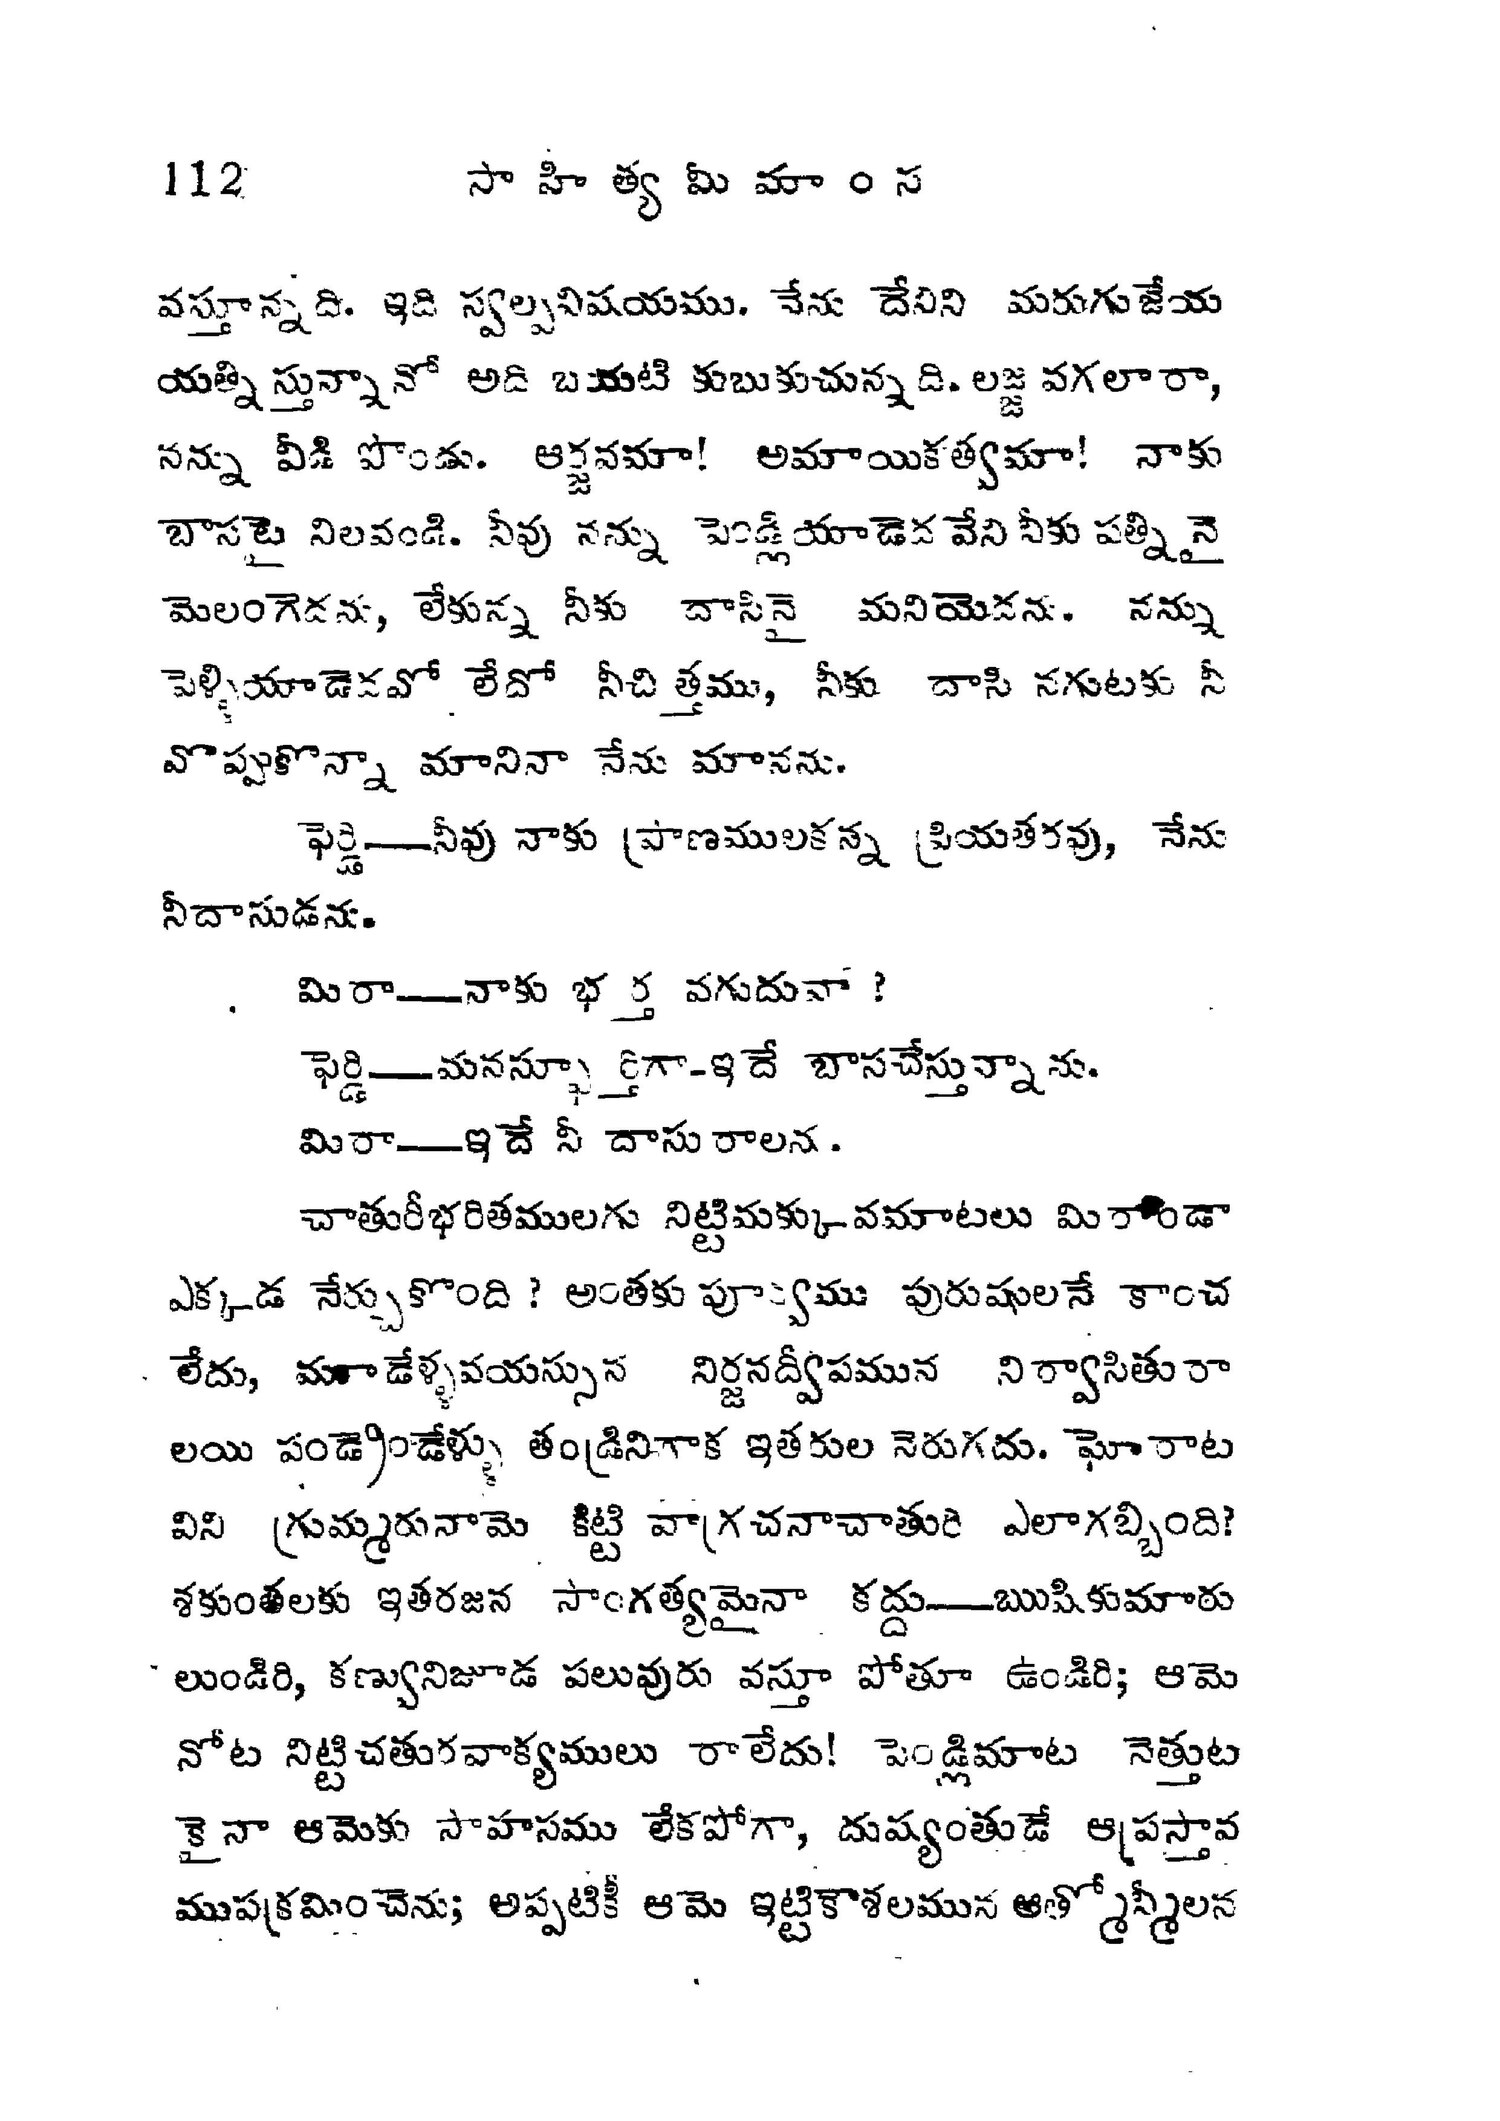వస్తూన్నది. ఇది స్వల్పవిషయము. నేను దేనిని మరుగుజేయ యత్నిస్తున్నానో అది బయటి కుబుకుచున్నది. లజ్జ వగలారా, నన్ను వీడి పొండు. ఆర్జనమా! అమాయికత్వమా! నాకు బాసటై నిలవండి. నీవు నన్ను పెండ్లియాడెద వేని నీకు పత్నినై మెలంగెదను, లేకున్న నీకు దాసినై మనియెదను. నన్ను పెళ్ళియాడెదవో లేదో నీచిత్తము, నీకు దాసి నగుటకు నీ వొప్పుకొన్నా మానినా నేను మానను.

ఫెర్డి - నీవు నాకు ప్రాణములకన్న ప్రియతరవు, నేను నీదాసుడను.

మిరా - నాకు భర్త వగుదువా ?

ఫెర్డి - మనస్ఫూర్తిగా-ఇదే బాసచేస్తున్నాను.

మిరా - ఇదే నీ దాసు రాలను.

చాతురీభరితములగు నిట్టిమక్కువమాటలు మిరాండా ఎక్కడ నేర్చుకొంది? అంతకుపూర్వము పురుషులనే కాంచ లేదు, మూడేళ్ళవయస్సున నిర్జనద్వీపమున నిర్వాసితురాలయి పండ్రెండేళ్ళు తండ్రినిగాక ఇతరుల నెరుగదు. ఘోరాట విని గ్రుమ్మరునామె కిట్టి వాగ్రచనాచాతురి ఎలాగబ్బింది? శకుంతలకు ఇతరజన సాంగత్యమైనా కద్దు - ఋషికుమారు లుండిరి, కణ్వునిజూడ పలువురు వస్తూ పోతూ ఉండిరి; ఆమె నోట నిట్టి చతురవాక్యములు రాలేదు! పెండ్లిమాట నెత్తుటకైనా ఆమెకు సాహసము లేకపోగా, దుష్యంతుడే ఆప్రస్తావముపక్రమించెను; అప్పటికీ ఆమె ఇట్టికౌశలమున ఆత్మోన్మీలన